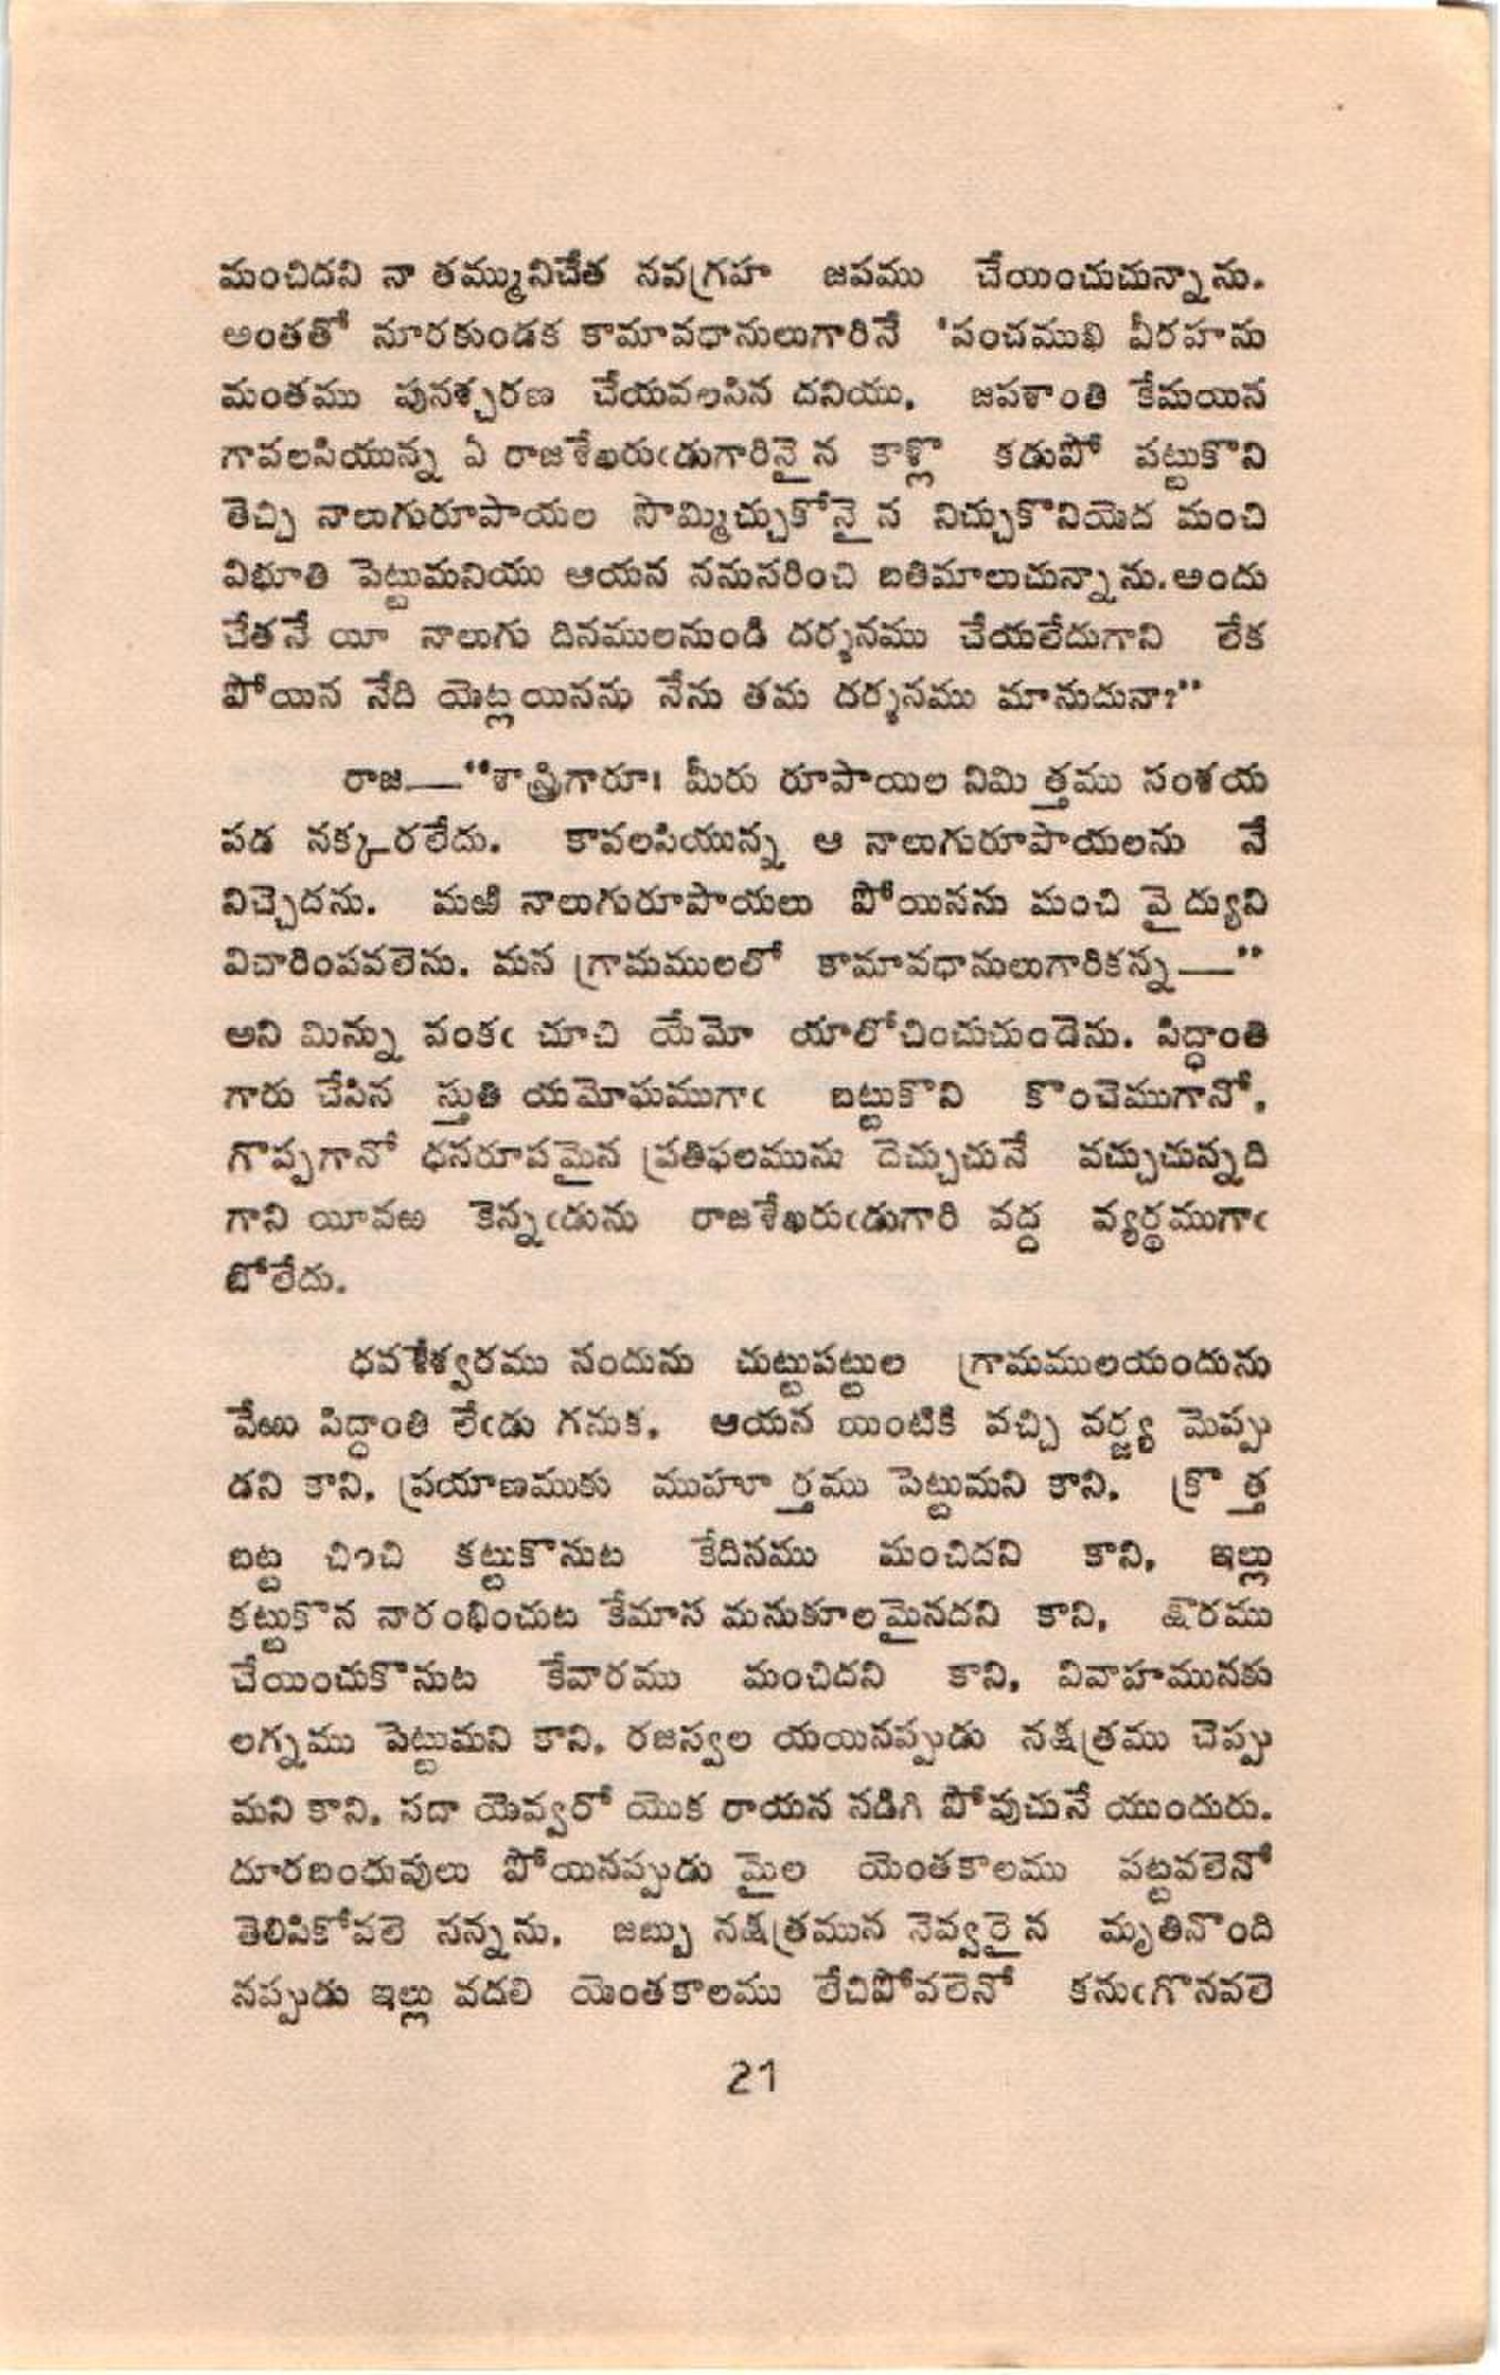మంచిదని నా తమ్మునిచేత నవగ్రహ జపము చేయించుచున్నాను. అంతతో నూరకుండక కామావధానులుగారినే “పంచముఖి వీరహనుమంతము పునశ్చరణ చేయవలసిన దనియు, జపశాంతి కేమయిన గావలసియున్న ఏ రాజశేఖరుఁడుగారినైన కాళ్ళో కడుపో పట్టుకొని తెచ్చి నాలుగురూపాయల సొమ్మిచ్చుకోనైన నిచ్చుకొనియెద మంచి విభూతి పెట్టుమనియు ఆయన ననుసరించి బతిమాలుచున్నాను. అందు చేతనే యీ నాలుగు దినములనుండి దర్శనము చేయలేదు గాని లేకపోయిన నేది యెట్లయినను నేను తమ దర్శనము మానుదునా?”

రాజ-“శాస్త్రిగారూ! మీరు రూపాయిల నిమిత్తము సంశయపడ నక్కరలేదు. కావలసియున్న ఆ నాలుగురూపాయలను నే నిచ్చెదను. మఱి నాలుగురూపాయలు పోయినను మంచి వైద్యుని విచారింపవలెను. మన గ్రామములలో కామావధానులుగారికన్న-” అని మిన్ను వంక చూచి యేమో యాలోచించుచుండెను. సిద్ధాంతి గారు చేసిన స్తుతి యమోఘముగాఁ బట్టుకొని కొంచెముగానో, గొప్పగానో ధనరూపమైన ప్రతిఫలమును దెచ్చుచునే వచ్చుచున్నది గాని యీవఱ కెన్నఁడును రాజశేఖరుడుగారి వద్ద వ్యర్థముగా బోలేదు.

ధవళేశ్వరము నందును చుట్టుపట్టుల గ్రామములయందును వేఱు సిద్ధాంతి లేఁడు గనుక, ఆయన యింటికి వచ్చి వర్జ్య మెప్పుడని కాని, ప్రయాణముకు ముహూర్తము పెట్టుమని కాని, క్రొత్త బట్ట చించి కట్టుకొనుట కేదినము మంచిదని కాని, ఇల్లు కట్టుకొన నారంభించుట కేమాస మనుకూలమైనదని కాని, క్షౌరము చేయించుకొనుట కేవారము మంచిదని కాని, వివాహమునకు లగ్నము పెట్టుమని కాని, రజస్వల యయినప్పడు నక్షత్రము చెప్పు మని కాని, సదా యెవ్వరో యొక రాయన నడిగి పోవుచునే యుందురు. దూరబంధువులు పోయినప్పడు మైల యెంతకాలము పట్టవలెనో తెలిసికోవలె నన్నను, జబ్బు నక్షత్రమున నెవ్వరైన మృతినొంది నప్పుడు ఇల్లు వదలి యెంతకాలము లేచిపోవలెనో కనుఁగొనవలె